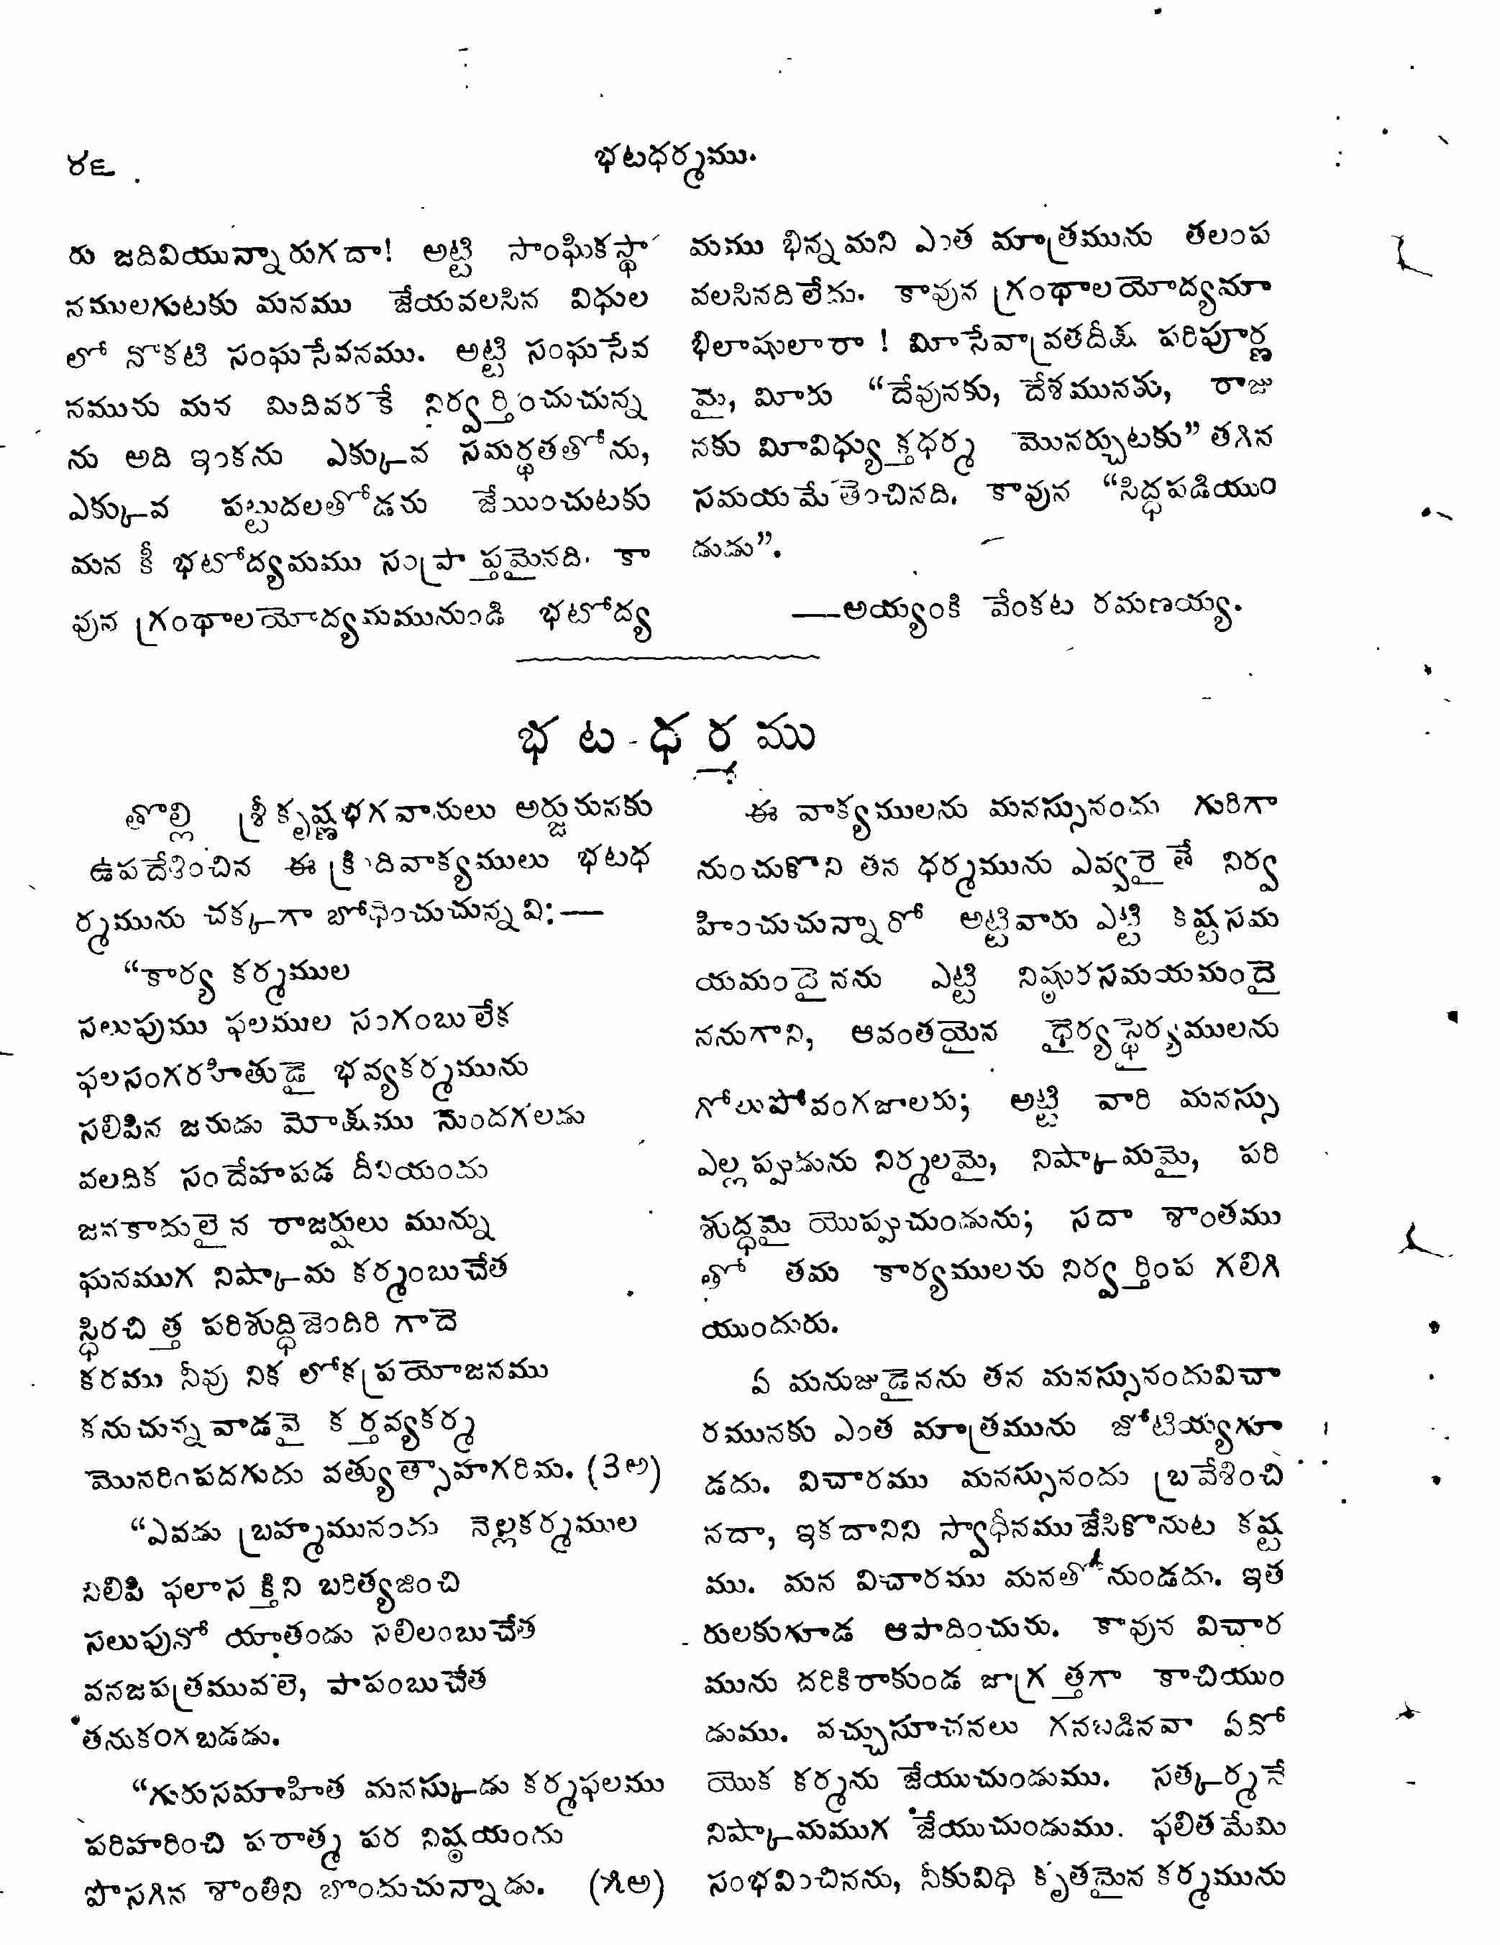రు జదివియున్నారుగదా! అట్టి సాంఘిక స్థానములగుటకు మనము జేయవలసిన విధులలో నొకటి సంఘ సేవనము. అట్టి సంఘ
సేవనమును మన మిదివరకే నిర్వర్తించుచున్నను అది ఇంకను ఎక్కువ సమర్థతతోను, ఎక్కువ పట్టుదలతోడను జేయించుటకు
మనకీ భటోద్యమము సంప్రాప్తమైనది. కావున గ్రంథాలయోద్యమమునుండి భటోద్యమము భిన్నమని ఎంత మాత్రమును తలంప 
వలసినదిలేదు. కావున గ్రంథాలయోద్యమాభిలాషులారా! మీసేవావ్రతదీక్ష పరిపూర్ణమై, మీరు "దేవునకు, దేశమునకు, రాజు
నకు మీ విధ్యుక్తధర్మ మొనర్చుటకు” తగిన సమయమే తెంచినది. కావున “సిద్ధపడియుండుడు”.

 
తొల్లి శ్రీకృష్ణభగవానులు అర్జునునకు ఉపదేశించిన ఈ క్రి౦దివాక్యములు భట ధర్మమును చక్కగా బోధించుచున్నవి:౼

"కార్య కర్మముల
సలుపుము ఫలముల సంగంబు లేక
ఫలసంగరహితుడై భవ్యకర్మమును
సలిపిన జరుడు మోక్షము నుందగలడు
వలదిక సందేహపడ దీనియందు
జనకాదులైన రాజర్షులు మున్ను
ఘనముగ నిష్కామ కర్మంబు చేత
స్థిరచిత్త పరిశుద్ధి జెందిరి గాదె
కరము నీవు నిక లోక ప్రయోజనము
కనుచున్న వాడపై కర్తవ్యకర్మ
మొనరింపదగుదు వత్యుత్సాహగరిమ. (3అ)

“ఎవడు బ్రహ్మమునందు నెల్లకర్మముల
నిలిపి ఫలాసక్తిని బరిత్యజించి
సలుపునో యాతండు సలిలంబు చేత
వనజపత్రమువలె, పాపంబుచేత
తనుకంగ బడడు.

“గురుసమాహిత మనస్కుడు కర్మఫలము
పరిహరించి పరాత్మ పర నిష్ఠయందు
పొసగిన శాంతిని బొందుచున్నాడు. (౫అ)
మము భిన్నమని ఎంత మాత్రమును తలంప
వలసినది లేదు.  

ఈ వాక్యములను మనస్సునందు గురిగా నుంచుకొని తన ధర్మమును ఎవ్వరైతే నిర్వహించుచున్నారో అట్టివారు ఎట్టి కష్ట సమయమందైనను ఎట్టి నిష్టుర సమయమందైననుగాని, ఆవంతమైన ధైర్యస్థైర్యములను గోలుపోవంగజాలకు; అట్టి వారి మనస్సు
ఎల్లప్పుడును నిర్మలమై, నిష్కామమై, పరిశుద్ధమై యొప్పుచుండును; సదా శాంతముతో తమ కార్యములను నిర్వర్తింప గలిగి
యుందురు.

ఏ మనుజుడైనను తన మనస్సునందువిచారమునకు ఎంత మాత్రమును జోటియ్యగూడదు. విచారము మనస్సునందు బ్రవేశించినదా, ఇక దానిని స్వాధీనము జేసికొనుట కష్టము. మన విచారము మనతో నుండదు. ఇతరులకుగూడ ఆపాదించును. కావున విచారమును దరికి రాకుండ జాగ్రత్తగా కాచియుండుము. వచ్చుసూచనలు గనబడినవా ఏదో యొక కర్మను జేయుచుండుము. సత్కర్మనే
నిష్కామముగ జేయుచుండుము. ఫలితమేమి సంభవించినను, నీకు విధి కృతమైన కర్మమును